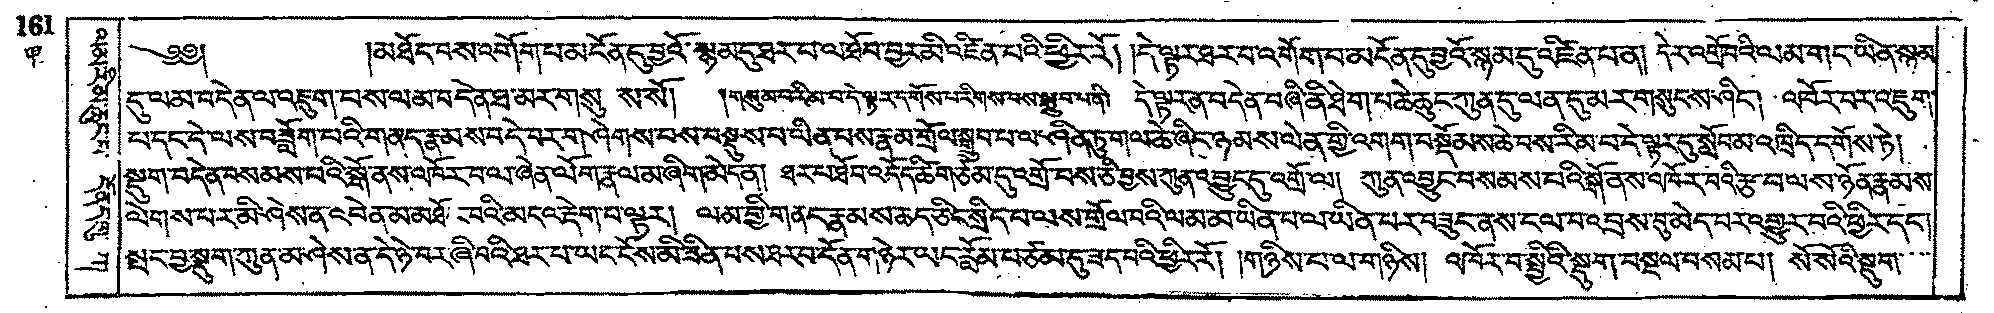༄༅། །མཐོང་བས་འགོག་པ་མངོན་དུ་བྱའོ་སྙམ་དུ་ཐར་པ་ལ་ཐོབ་བྱར་མི་འཛིན་པའི་ཕྱིར་རོ། །དེ་ལྟར་ཐར་པ་འགོག་པ་མངོན་དུ་བྱའོ་སྙམ་དུ་འཛིན་པ་ན། དེར་འགྲོ་བའི་ལམ་གང་ཡིན་སྙམ་
དུ་ལམ་བདེན་ལ་འཇུག་པས་ལམ་བདེན་ཐ་མར་གསུངས་སོ། །གསུམ་པ་རིམ་པ་དེ་ལྟར་དགོས་པ་རིགས་པས་སྒྲུབ་པ་ནི།  དེ་ལྟར་ན་བདེན་བཞི་ནི་ཐེག་པ་ཆེ་ཆུང་ཀུན་དུ་ལན་དུ་མར་གསུངས་ཤིང་། འཁོར་བར་འཇུག་
པ་དང་དེ་ལས་བཟློག་པའི་གནད་རྣམས་བདེ་བར་གཤེགས་པས་བསྡུས་པ་ཡིན་པས་རྣམ་གྲོལ་སྒྲུབ་པ་ལ་ཤིན་ཏུ་གལ་ཆེ་ཞིང་ཉམས་ལེན་གྱི་འགག་བསྡོམས་ཆེ་བས་རིམ་པ་དེ་ལྟར་དུ་སློབ་མ་འཁྲིད་དགོས་ཏེ།
སྡུག་བདེན་བསམས་པའི་སྒོ་ནས་འཁོར་བ་ལ་ཞེན་ལོག་རྣལ་མ་ཞིག་མེད་ན། ཐར་པ་ཐོབ་འདོད་ཚིག་ཙམ་དུ་འགྲོ་བས་ཅི་བྱས་ཀུན་འབྱུང་དུ་འགྲོ་ལ། ཀུན་འབྱུང་བསམས་པའི་སྒོ་ནས་འཁོར་བའི་རྩ་བ་ལས་ཉོན་རྣམས་
ལེགས་པར་མི་ཤེས་ན་འབེན་མ་མཐོང་བའི་མངའ་རྡེག་པ་ལྟར། ལམ་གྱི་གནང་རྣམས་ཆད་ཅིང་སྲིད་པ་ལས་གྲོལ་བའི་ལམ་མ་ཡིན་པ་ལ་ཡིན་པར་བཟུང་ནས་ང་ལ་བ་འབྲས་བུ་མེད་པར་འགྱུར་བའི་ཕྱིར་དང་།
སྤང་བྱ་སྡུག་ཀུན་མ་ཤེས་ན་དེ་ཉེ་བར་ཞི་བའི་ཐར་པ་ཡང་ངོས་མི་ཟིན་པས་ཐར་པ་དོན་གཉེར་ཡང་རློམ་པ་ཙམ་དུ་ཟད་པའི་ཕྱིར་རོ། །གཉིས་པ་ལ་གཉིས། འཁོར་བ་སྤྱིའི་སྡུག་བསྔལ་བསམ་པ། སོ་སོའི་སྡུག་